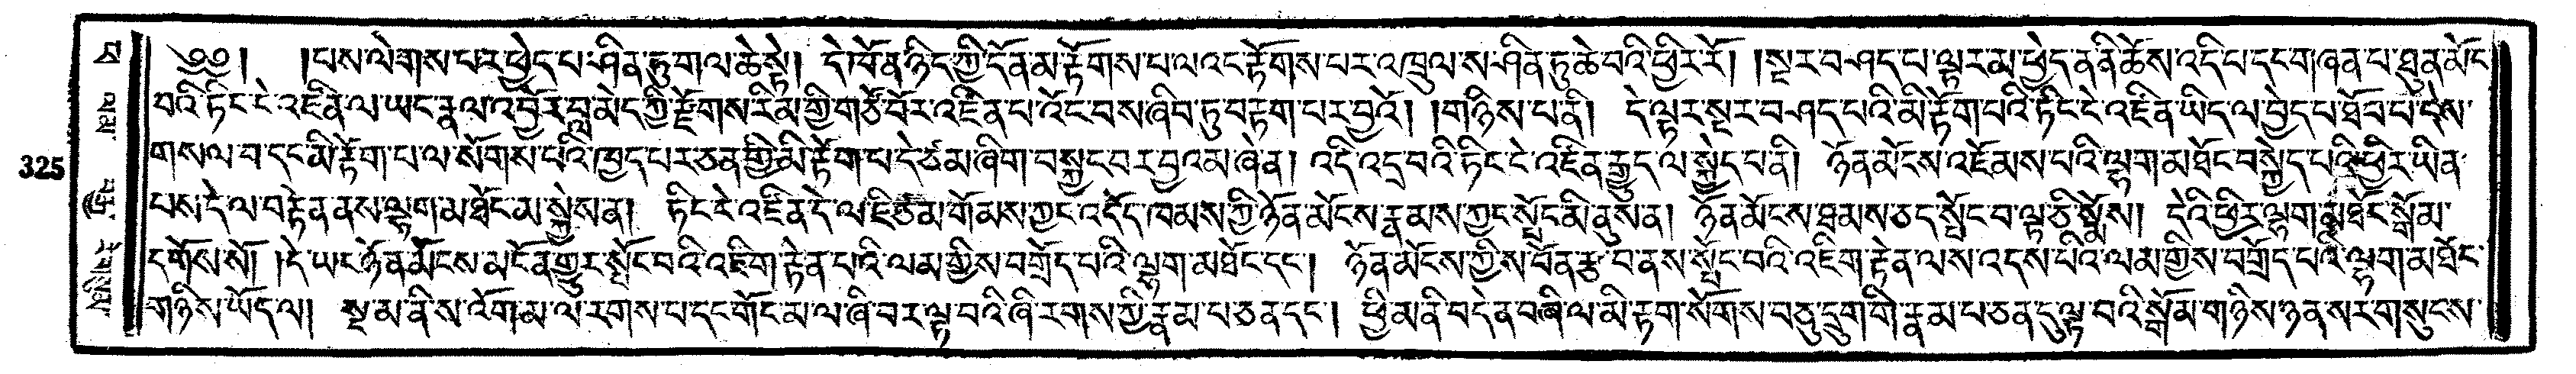༄༅། །པས་ལེགས་པར་ཕྱེད་པ་ཤིན་ཏུ་གལ་ཆེ་སྟེ། དེ་ཁོ་ན་ཉིད་ཀྱི་དོན་མ་རྟོགས་པ་ལའང་རྟོགས་པར་འཁྲུལ་ས་ཤིན་ཏུ་ཆེ་བའི་ཕྱིར་རོ། །སྔར་བཤད་པ་ལྟར་མ་ཕྱེད་ན་ནི་ཆོས་འདི་པ་དང་གཞན་པ་ཐུན་མོང་
པའི་ཏིང་ངེ་འཛིན་ལ་ཡང་རྣལ་འབྱོར་བླ་མེད་ཀྱི་རྫོགས་རིམ་གྱི་གཙོ་བོར་འཛིན་པ་འོང་བས་ཞིབ་ཏུ་བརྟག་པར་བྱའོ། །གཉིས་པ་ནི། དེ་ལྟར་སྔར་བཤད་པའི་མི་རྟོག་པའི་ཏིང་ངེ་འཛིན་ཡིད་ལ་བྱེད་པ་ཐོབ་པ་དེས་
གསལ་བ་དང་མི་རྟོག་པ་ལ་སོགས་པའི་ཁྱད་པར་ཅན་གྱི་མི་རྟོག་པ་དེ་ཙམ་ཞིག་བསྐྱང་བར་བྱའམ་ཞེ་ན། འདི་འདྲ་བའི་ཏིང་ངེ་འཛིན་རྒྱུད་ལ་སྐྱེད་པ་ནི། ཉོན་མོངས་འཇོམས་པའི་ལྷག་མཐོང་བསྐྱེད་པའི་ཕྱིར་ཡིན་
པས་དེ་ལ་བརྟེན་ནས་ལྟག་མཐོང་མ་སྐྱེས་ན། ཏིང་ངེ་འཛིན་དེ་ལ་ཇི་ཙམ་གོམས་ཀྱང་འདོད་ཁམས་ཀྱི་ཉོན་མོངས་རྣམས་ཀྱང་སྤོང་མི་ནུས་ན། ཉོན་མོངས་ཐམས་ཅད་སྤོང་བ་ལྟ་ཅི་སྨོས། དེའི་ཕྱིར་ལྷག་མཐོང་སྒོམ་
དགོས་སོ། །དེ་ཡང་ཉོན་མོངས་མངོན་གྱུར་སྤོང་བའི་འཇིག་རྟེན་པའི་ལམ་གྱིས་བགྲོད་པའི་ལྷག་མཐོང་དང་། ཉོན་མོངས་ཀྱིས་བོན་རྩ་བ་ནས་སྤོང་བའི་འཇིག་རྟེན་ལས་འདས་པའི་ལམ་གྱིས་བགྲོད་པའི་ལྷག་མཐོང་
གཉིས་ཡོད་ལ། སྔ་མ་ནི་ས་འོག་མ་ལ་རགས་པ་དང་གོང་མ་ལ་ཞི་བར་ལྟ་བའི་ཞི་རགས་ཀྱི་རྣམ་པ་ཅན་དང་། ཕྱི་མ་ནི་བདེན་བཞི་ལ་མི་རྟག་སོགས་བཅུ་དྲུག་གི་རྣམ་པ་ཅན་དུ་ལྟ་བའི་སྒོམ་གཉིས་ཉན་སར་གསུངས་